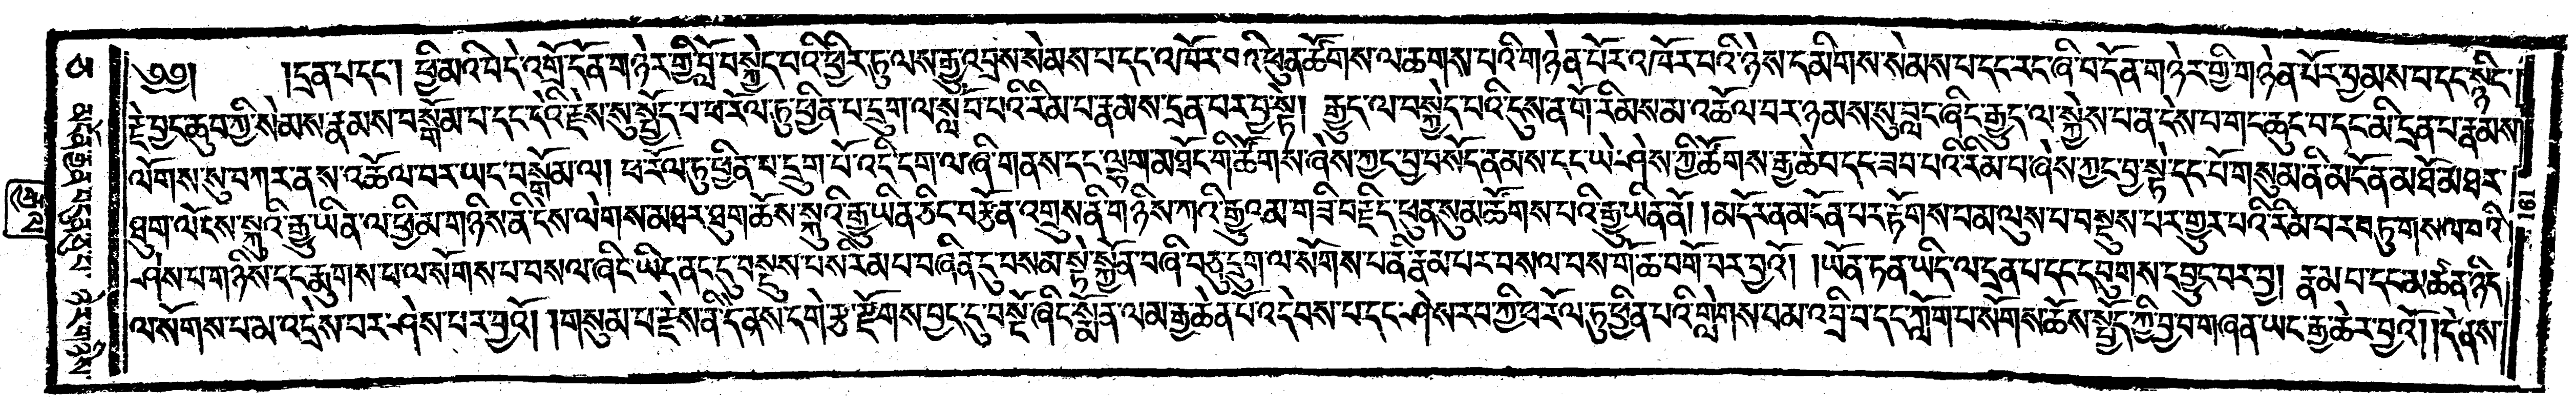༄༅། །དྲན་པ་དང་། ཕྱི་མའི་བདེ་འགྲོ་དོན་གཉེར་གྱི་བློ་བསྐྱེད་པའི་ཕྱིར་ཏུ་ལས་རྒྱུ་འབྲས་སེམས་པ་དང་འཁོར་བའི་ཕུན་ཚོགས་ལ་ཆགས་པའི་གཉེན་པོར་འཁོར་བའི་ཉེས་དམིགས་སེམས་པ་དང་རང་ཞི་བ་དོན་གཉེར་གྱི་གཉེན་པོར་བྱམས་པ་དང་སྙིང་
རྗེ་བྱང་ཆུབ་ཀྱི་སེམས་རྣམས་བསྒོམ་པ་དང་དེའི་རྗེས་སུ་སྤྱོད་པ་ཕ་རོལ་ཏུ་ཕྱིན་པ་དྲུག་ལ་སློབ་པའི་རིམ་པ་རྣམས་དྲན་པར་བྱ་སྟེ། རྒྱུད་ལ་བསྐྱེད་པའི་དུས་ན་གོ་རིམས་མ་འཆོལ་བར་ཉམས་སུ་བླང་ཞིང་རྒྱུད་ལ་སྐྱེས་པ་ན་ངེས་པ་གང་ཆུང་བ་དང་མི་དྲན་པ་རྣམས་
ལོགས་སུ་བཀར་ནས་འཆོལ་བར་ཡང་བསྒོམ་ལ། ཕ་རོལ་ཏུ་ཕྱིན་པ་དྲུག་པོ་འདི་དག་ལ་ཞི་གནས་དང་ལྷག་མཐོང་གི་ཚོགས་ཞེས་ཀྱང་བྱ་བསོད་ནམས་དང་ཡེ་ཤེས་ཀྱི་ཚོགས་རྒྱ་ཆེ་བ་དང་ཟབ་པའི་རིམ་པ་ཞེས་ཀྱང་བྱ་སྟེ་དང་པོ་གསུམ་ནི་མངོན་མཐོ་མཐར་
ཐུག་ལོངས་སྐུའི་རྒྱུ་ཡིན་ལ་ཕྱི་མ་གཉིས་ནི་ངེས་ལེགས་མཐར་ཐུག་ཆོས་སྐུའི་རྒྱུ་ཡིན་ཅིང་བརྩོན་འགྲུས་ནི་གཉིས་ཀའི་རྒྱུའམ་གཟི་བརྗིད་ཕུན་སུམ་ཚོགས་པའི་རྒྱུ་ཡིན་ནོ། །མདོར་ན་མངོན་པར་རྟོགས་པ་མ་ལུས་པ་བསྡུས་པར་གྱུར་པའི་རིམ་པ་རབ་ཏུ་གསལ་བའི་
ཤེས་པ་གཉིས་དང་རྨུགས་པ་ལ་སོགས་པ་བསལ་ཞིང་ཡིད་ནང་དུ་བསྡུས་པས་རིམ་པ་བཞིན་དུ་བསམ་སྟེ་སྐྱོན་བཞི་བཅུ་དྲུག་ལ་སོགས་པ་ནི་རྣམ་པར་བསལ་བས་གོ་ཆ་བགོ་བར་བྱའོ། །ཡོན་ཏན་ཡིད་ལ་དྲན་པ་དང་དབུགས་དབྱུང་བར་བྱ། རྣམ་པ་དང་མཚན་ཉིད་
ལ་སོགས་པ་མ་འདྲེས་པར་ཤེས་པར་བྱའོ། །གསུམ་པ་རྗེས་ནི་དེ་ནས་དགེ་རྩ་རྫོགས་བྱང་དུ་བསྔོ་ཞིང་སྨོན་ལམ་རྒྱ་ཆེན་པོ་འདེབས་པ་དང་ཤེས་རབ་ཀྱི་ཕ་རོལ་ཏུ་ཕྱིན་པའི་གླེགས་བམ་འབྲི་བ་དང་ཀློག་པ་སོགས་ཆོས་སྤྱོད་ཀྱི་བྱ་བ་གཞན་ཡང་རྒྱ་ཆེར་བྱའོ། །དེ་ནས་